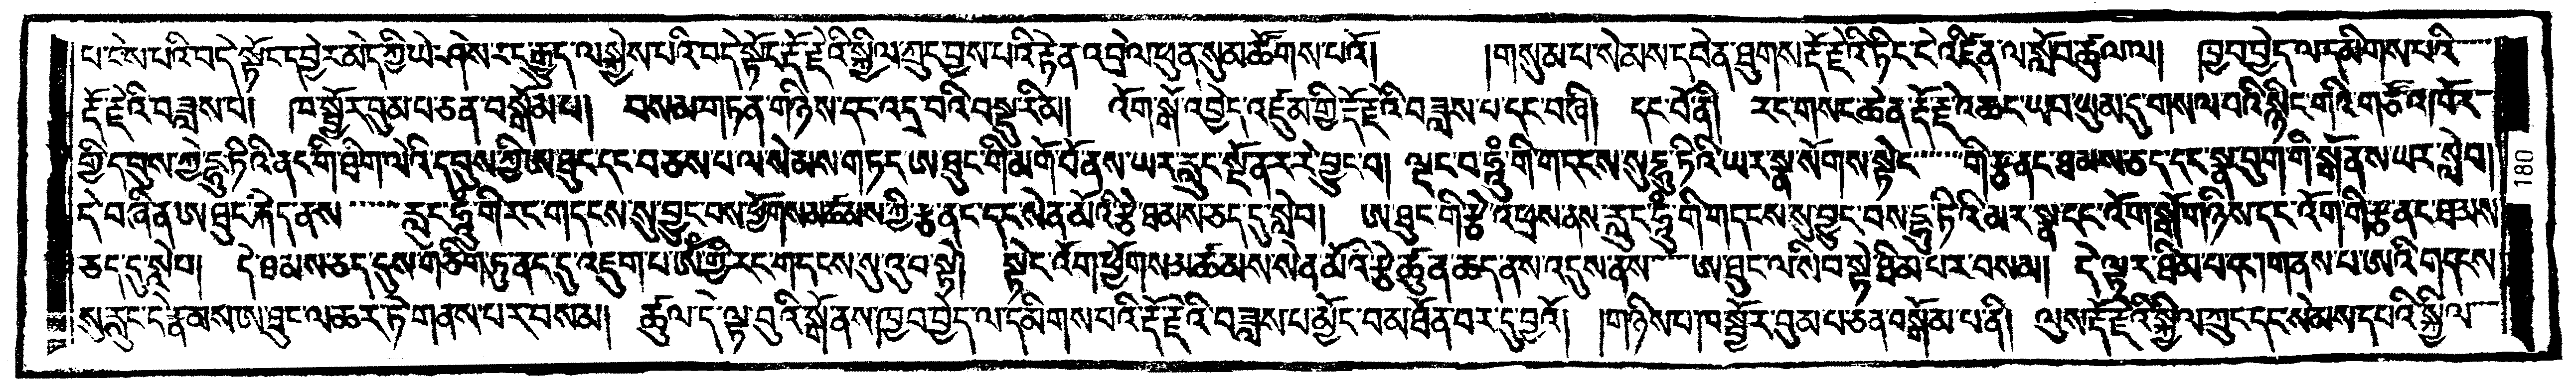པ་ངེས་པའི་བདེ་སྟོང་དབྱེར་མེད་ཀྱི་ཡེ་ཤེས་རང་རྒྱུད་ལ་སྐྱེས་པའི་བདེ་སྟོང་རྡོ་རྗེའི་སྐྱིལ་ཀྲུང་བྱས་པའི་རྟེན་འབྲེལ་ཕུན་སུམ་ཚོགས་པའོ། །གསུམ་པ་སེམས་དབེན་ཐུགས་རྡོ་རྗེའི་ཏིང་ངེ་འཛིན་ལ་སློབ་ཚུལ་ལ། ཁྱབ་བྱེད་ལ་དམིགས་པའི་
རྡོ་རྗེའི་བཟླས་པ། ཁ་སྦྱོར་བུམ་པ་ཅན་བསྒོམས། བསམ་གཏན་གཉིས་དང་འདྲ་བའི་བསྡུ་རིམ། འོག་སྒོ་འབྱེད་འཛུམ་གྱི་རྡོ་རྗེའི་བཟླས་པ་དང་བཞི། དང་པོ་ནི། རང་གསང་ཆེན་རྡོ་རྗེ་འཆང་ཡབ་ཡུམ་དུ་གསལ་བའི་སྙིང་གའི་གཙོ་འཁོར་
གྱི་དབུས་ཀྱི་དྷུ་ཏིའི་ནང་གི་ཐིག་ལེའི་དབུས་ཀྱི་ཨ་ཐུང་དང་བཅས་པ་ལ་སེམས་གཏང་ཨ་ཐུང་གི་མགོ་བོ་ནས་ཡར་རླུང་སྔོ་ནར་རེ་བྱུང་བ། ལྡང་བ་ཧཱུཾ་གི་གདངས་སུ་དྷུ་ཏིའི་ཡར་སྣ་ཚོགས་སྟེང་གི་རྩ་ནང་ཐམས་ཅད་དང་སྣ་བུག་གི་སྒོ་ནས་ཡར་སླེབ།
དེ་བཞིན་ཨ་ཐུང་རྐེད་ནས་རླུང་ཧཱུཾ་གི་རང་གདངས་སུ་བྱུང་བས་ཕྱོགས་མཚམས་ཀྱི་རྩ་ནང་དང་སེན་མོའི་རྩེ་ཐམས་ཅད་དུ་སླེབ། ཨ་ཐུང་གི་རྩེ་འཕྲས་ནས་རླུང་ཧཱུཾ་གི་གདངས་སུ་བྱུང་བས་དྷུ་ཏིའི་མར་སྣ་དང་འོག་སྒོ་གཉིས་དང་འོག་གི་རྩ་ནང་ཐམས་
ཅད་དུ་སླེབ། དེ་ཐམས་ཅད་དུས་གཅིག་ཏུ་ནང་དུ་འཇུག་པ་ཨོཾ་གྱི་རང་གདངས་སུ་འུབ་སྟེ། སྟེང་འོག་ཕྱོགས་མཚམས་སེན་མོའི་རྩེ་ཚུན་ཆད་ནས་འདུས་ནས་ཨ་ཐུང་ལ་སིབ་སྟེ་ཐིམ་པར་བསམ། དེ་ལྟར་ཐིམ་པ་དང་། གནས་པ་ཨཱི་གདངས་
སུ་རླུང་དེ་རྣམས་ཨ་ཐུང་ལ་ཆར་ཏེ་གནས་པར་བསམ། ཚུལ་དེ་ལྟ་བུའི་སྒོ་ནས་ཁྱབ་བྱེད་ལ་དམིགས་པའི་རྡོ་རྗེའི་བཟླས་པ་མྱོང་བ་མཐོན་བར་དུ་བྱའོ། །གཉིས་པ་ཁ་སྦྱོར་བུམ་པ་ཅན་བསྒོམ་པ་ནི། ལུས་རྡོ་རྗེའི་སྐྱིལ་ཀྲུང་དང་སེམས་དཔའི་སྐྱིལ་